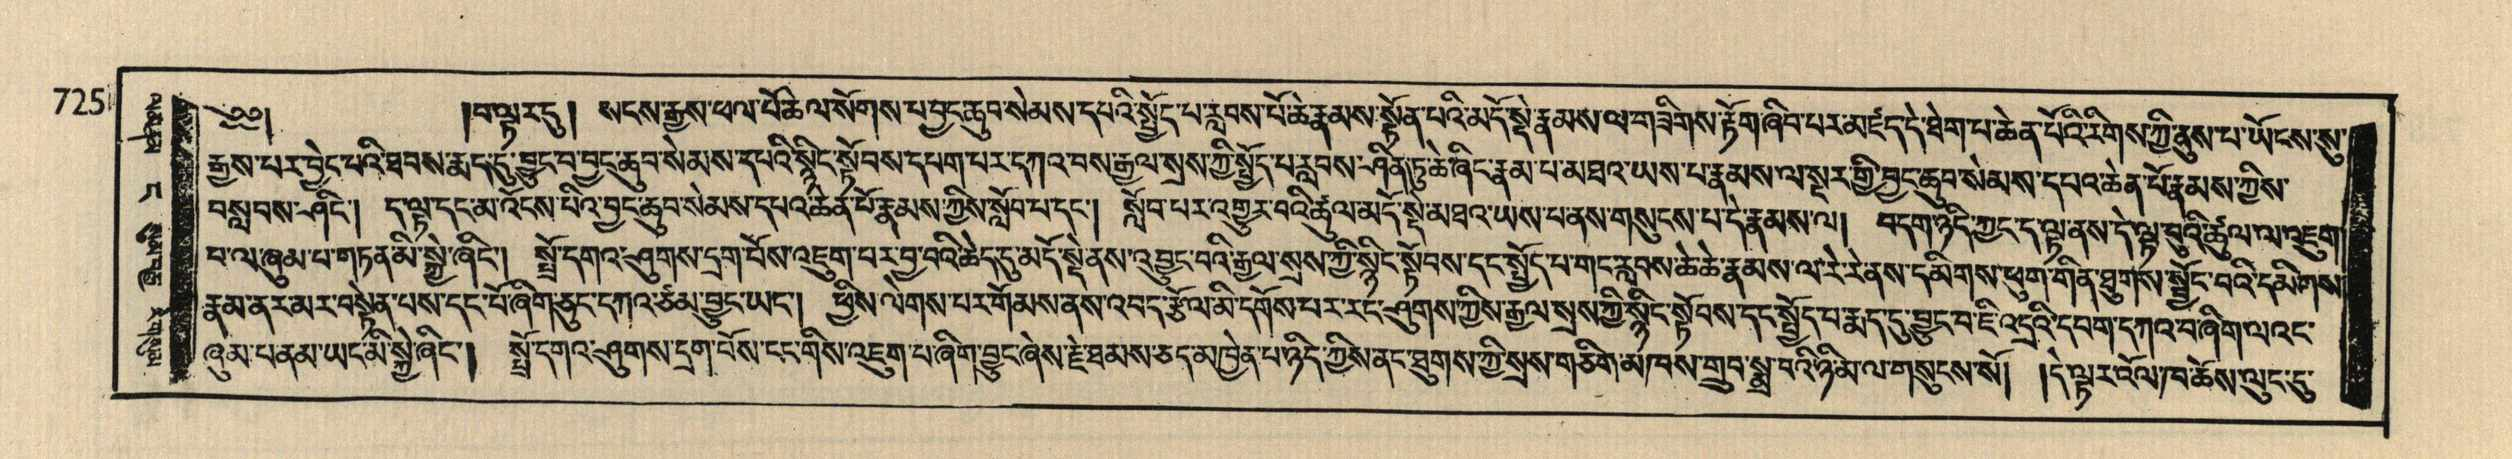༄༅། །བ་ལྟར་དུ། སངས་རྒྱས་ཕལ་པོ་ཆེལ་སོགས་པ་བྱང་ཆུབ་སེམས་དཔའི་སྤྱོད་པ་རླབས་པོ་ཆེ་རྣམས་སྟོན་པའི་མདོ་སྡེ་རྣམས་ལ་གཟིགས་རྟོག་ཞིབ་པར་མཛད་དེ་ཐེག་པ་ཆེན་པོའི་རིགས་ཀྱི་ནུས་པ་ཡོངས་སུ་
རྒྱས་པར་བྱེད་པའི་ཐབས་རྨད་དུ་བྱུང་བ་བྱང་ཆུབ་སེམས་དཔའི་སྙིང་སྟོབས་དཔག་པར་དཀའ་བས་རྒྱལ་སྲས་ཀྱི་སྤྱོད་པ་རླབས་ཤིན་ཏུ་ཆེ་ཞིང་རྣམ་པ་མཐའ་ཡས་པ་རྣམས་ལ་སྔར་གྱི་བྱང་ཆུབ་སེམས་དཔའ་ཆེན་པོ་རྣམས་ཀྱིས་
བསླབས་ཤིང་། ད་ལྟ་དང་མ་འོངས་པའི་བྱང་ཆུབ་སེམས་དཔའ་ཆེན་པོ་རྣམས་ཀྱིས་སློབ་པ་དང་། སློབ་པར་འགྱུར་བའི་ཚུལ་མདོ་སྡེ་མཐའ་ཡས་པ་ནས་གསུངས་པ་དེ་རྣམས་ལ། བདག་ཉིད་ཀྱང་ད་ལྟ་ནས་དེ་ལྟ་བུའི་ཚུལ་ལ་འཇུག་
པ་ལ་ཞུམ་པ་གཏན་མི་སྐྱེ་ཞིང་། སྤྲོ་དགའ་ཤུགས་དྲག་པོས་འཇུག་པར་བྱ་བའི་ཆེད་དུ་མདོ་སྡེ་ནས་འབྱུང་བའི་རྒྱལ་སྲས་ཀྱི་སྙིང་སྟོབས་དང་སྤྱོད་པ་གང་རླབས་ཆེ་ཆེ་རྣམས་ལ་རེ་རེ་ནས་དམིགས་ཕུག་གིན་ཐུགས་སྦྱོང་བའི་དམིགས་
རྣམ་ནར་མར་བསྟེན་པས་དང་པོ་ཞིག་ཅུང་དཀའ་ཙམ་བྱུང་ཡང་། ཕྱིས་ལེགས་པར་གོམས་ནས་འབད་རྩོལ་མི་དགོས་པར་རང་ཤུགས་ཀྱིས་རྒྱལ་སྲས་ཀྱི་སྙིང་སྟོབས་དང་སྤྱོད་པ་རྨད་དུ་བྱུང་བ་ཇི་འདྲའི་དབག་དཀའ་བ་ཞིག་ལའང་
ཞུམ་པ་ནམ་ཡང་མི་སྐྱེ་ཞིང་། སྤྲོ་དགའ་ཤུགས་དྲག་པོས་ངང་གིས་འཇུག་པ་ཞིག་བྱུང་ཞེས་རྗེ་ཐམས་ཅད་མཁྱེན་པ་ཉིད་ཀྱིས་ནང་ཐུགས་ཀྱི་སྲས་གཅིག་མཁས་གྲུབ་སྨྲ་བའི་ཉི་མ་ལ་གསུངས་སོ། །དེ་ལྟར་འོལ་ཁ་ཆོས་ལུང་དུ་